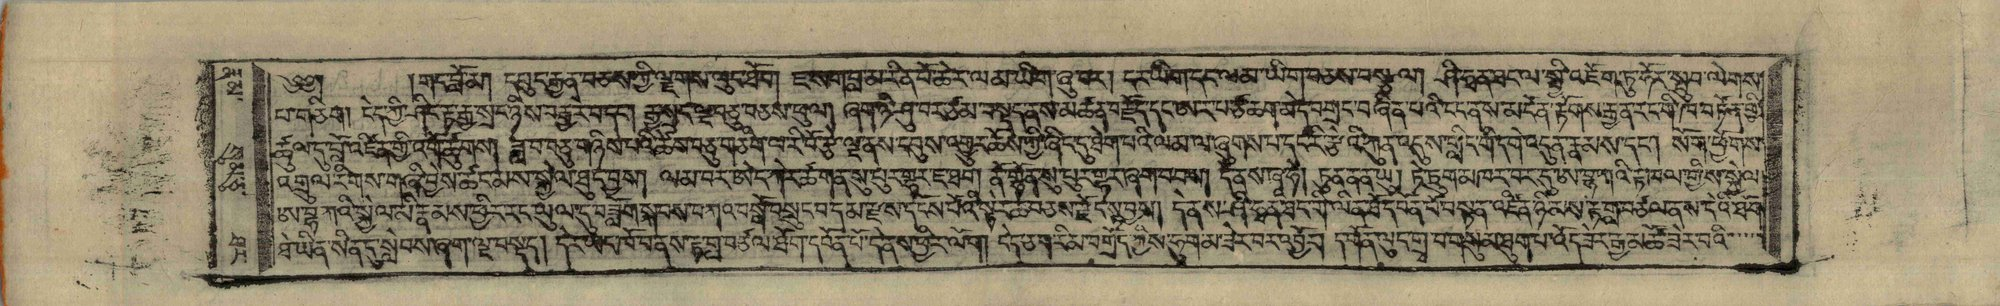༄༅། །གང་བློ་མ། དཔུང་རྒྱན་བཅས་ཀྱི་ལྗགས་ལུང་ཐོབ། ཇ་སག་བླ་མ་རིན་པོ་ཆེར་ལམ་ཡིག་ཞུ་བར། དར་ཡིག་དང་ལམ་ཡིག་བཅས་བསྩལ། ཤི་ཧྭན་ཐང་ལ་སྤྱི་འཇོག་ཏུ་ཧོར་སྤུབ་ལེགས་
པ་གཅིག །ངེད་ཀྱི་ཤིང་རྟ་རྒྱ་སྲང་ཉིས་བརྒྱ་རེ་བ་དང་། རྒྱ་སྲང་ལྔ་བཅུ་བཅས་ཕུལ། ཞག་ཉི་ཤུ་བར་ཙམ་བསྡད་ནས་མཚན་བརྗོད་དང་ཨ་ར་པ་ཙ་ཆག་མེད་བགྲང་བཞིན་པའི་ངང་ནས་མངོན་རྟོགས་རྒྱན་རང་གི་ཁ་བཏོན་གྱི་
ཚུལ་དུ་བློ་འཛིན་གྱི་འགོ་ཚུགས། ཟླ་བ་བཅུ་གཉིས་པའི་ཚེས་བཅུ་གཅིག་ལ་རི་བོ་རྩེ་ལྔ་ནས་དབུས་འགྱུར་ཆོས་ཀྱི་ཞིང་དུ་ཐེག་པའི་ལམ་ལ་ཞུགས་པ་དང་རི་རྩེའི་ཀུན་འདུས་གླིང་གི་དགེ་འདུན་རྣམས་དང་། སོག་ཕྱོགས་
འགྲུལ་རིགས་གཞི་བྱེས་ཚང་མས་སྐྱེལ་ཐུང་བྱས། ལམ་བར་ཨེང་ཀེར་ཚ་གན་སུ་པུར་གྷར་ཇ་ཐབ། ནོ་གྷོན་སུ་པུར་གྷར་ཞག་བབས། དེ་ནས་ཞཱ་ཧེ། ཏུན་ནན་ཡུ། ཏེ་ཏྲུག་མཁར་བར་དུ་ཨ་བྷ་ཀའི་རྟ་ཁལ་གྱིས་སྐྱེལ་
ཨ་བྷ་ཀའི་སྐྱེལ་མི་རྣམས་ཕྱིར་རང་ཡུལ་དུ་བཟློག་སྐབས་བཀའ་བསྒོ་བསྲུང་བ་དམ་རྫས་དངོས་པོའི་སྟེར་ཆ་བཅས་རྫོང་སྟ་བྱས། དེ་ནས་ཤི་ཧྭན་ཐང་གི་ལིན་ཐོ་དབོན་པོ་བསྟན་འཛིན་ཉི་མས་རྟ་གླ་བཙལ་ནས་དེའི་ཐོག་
ཐེ་ཡིན་སིན་དུ་སླེབས་ཞག་ལྔ་བསྡད། དེར་ཡང་ཁོ་བ་ནས་རྟ་གླ་བཙལ་ཐོག་དབོན་པོ་དེ་ནས་ཕྱིར་ལོག །ངེད་ཅག་རིམ་བགྲོད་ཀྱིས་ཧུག་མ་ཟེར་བར་འབྱོར། དགོན་ལུང་གྲྭ་བ་གསུམ་ཐུག་པ་འོད་ཟེར་རྒྱ་མཚོ་ཟེར་བའི་